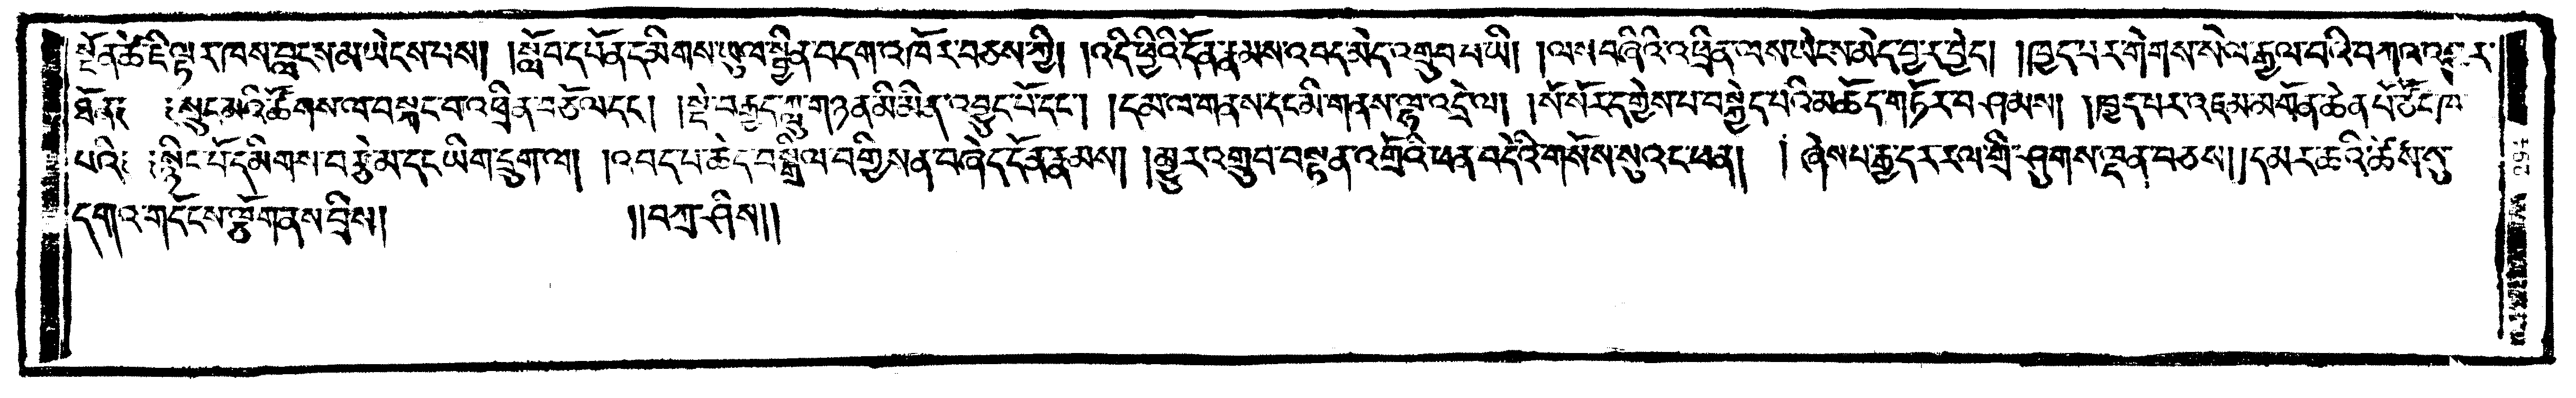སྔོན་ཚེ་ཇི་ལྟར་ཁས་བླངས་མ་ཡེངས་པས། །སློབ་དཔོན་དམིགས་ཡུལ་སྦྱིན་བདག་འཁོར་བཅས་ཀྱི། །འདི་ཕྱིའི་དོན་རྣམས་འབད་མེད་འགྲུབ་པ་ཡི། །ལས་བཞིའི་འཕྲིན་ལས་ཡེངས་མེད་བྱར་བྱེད། །ཁྱད་པར་གེགས་སེལ་རྒྱལ་བའི་བཀའ་འགྱུར་
ཐོན། །སྲུང་མའི་ཚོགས་ལ་བསྐང་བ་འཕྲིན་བཅོལ་དང་། །སྡེ་བརྒྱད་གླུ་གཉན་མི་མིན་འབྱུང་པོ་དང་། །དམ་ལ་གནས་དང་མི་གནས་ལྷ་འདྲེ་ལ། །སོ་སོར་དགྱེས་པ་བསྐྱེད་པའི་མཆོད་གཏོར་བཤམས། །ཁྱད་པར་འཇམ་མགོན་ཆེན་པོ་ཙོང་ཁ་
པའི། །སྙིང་པོ་དམིགས་བརྩེ་མ་དང་ཡིག་དུག་ལ། །འབད་པ་ཆེན་བསྒྲིལ་བགྱིས་ན་བཞེད་དོན་རྣམས། །མྱུར་འགྲུབ་བསྟན་འགྲོའི་ཕན་བདེའི་གསོས་སུའང་ཕན། །ཞེས་པ་རྒྱ་དར་རལ་གྲི་ཤུགས་ལྡན་བཅས། །དམར་ཆའི་ཆོས་སུ་
དགའ་གདོངས་ལྕོག་ནས་བྲིས། །།བཀྲ་ཤིས།